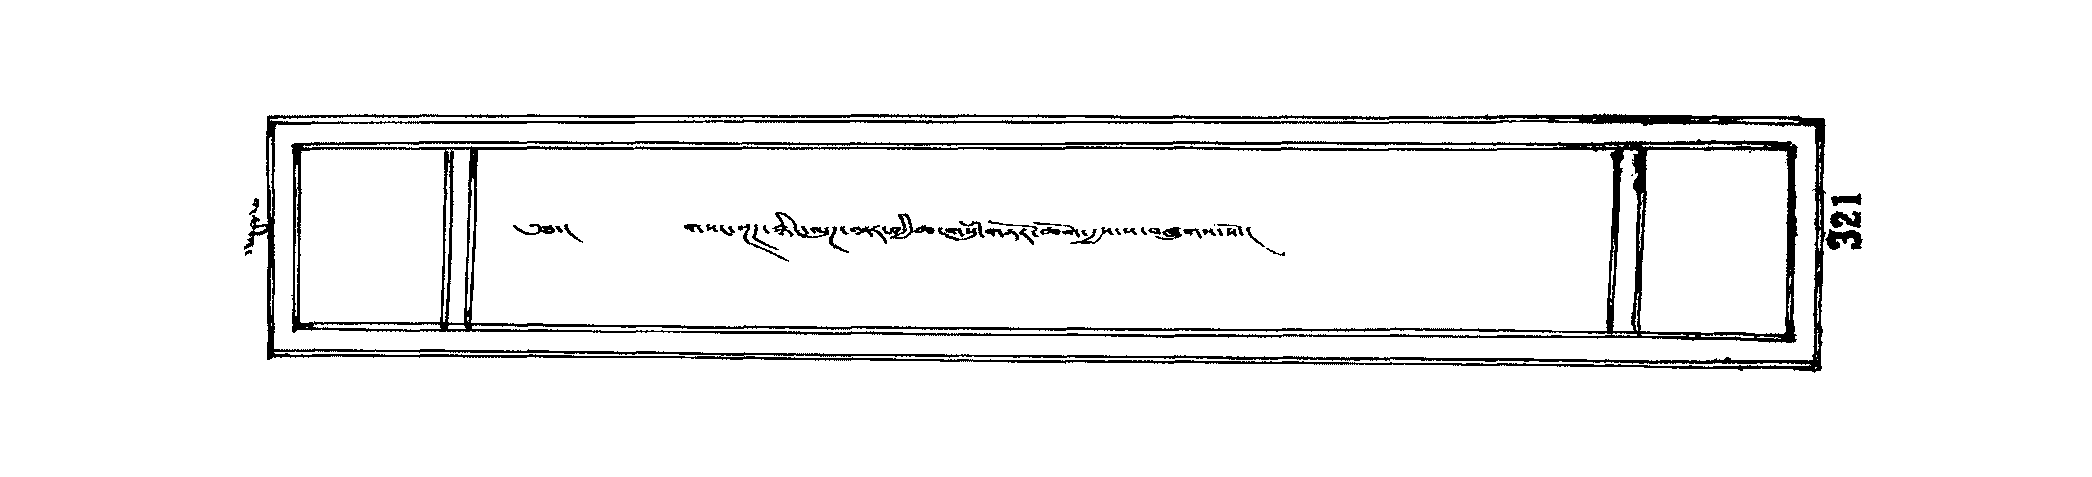༄༅། གསང་སྔགས་རྙིང་ལུགས་ལྟར་གྱི་ཆ་གསུམ་གཏོར་ཆོག་རྒྱས་པ་བཞུགས་སོ།